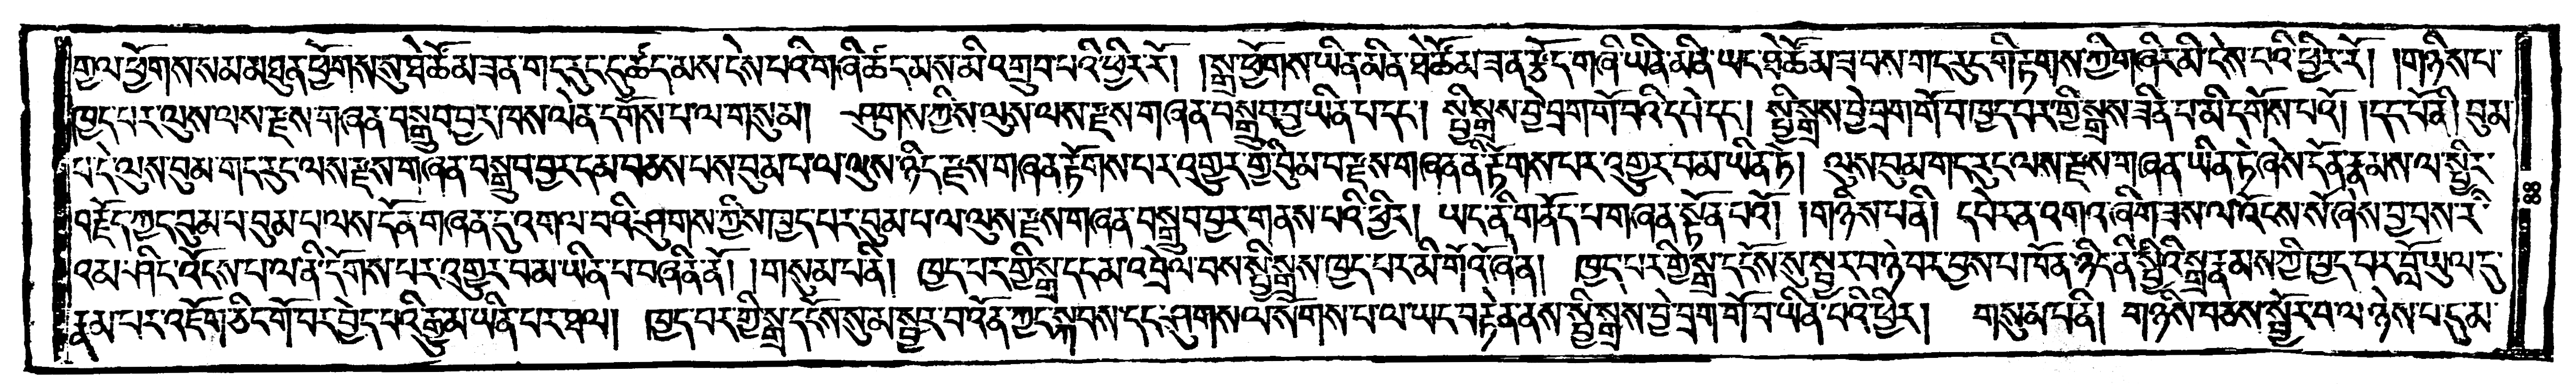གྱལ་ཕྱོགས་སམ་མཐུན་ཕྱོགས་སུ་ཐེ་ཚོམ་ཟ་ན་གང་རུང་དུ་ཚད་མས་ངེས་པའི་གཞི་ཚད་མས་མི་འགྲུབ་པའི་ཕྱིར་རོ། །སྒྲ་ཕྱོགས་ཡིན་མིན་ཐེ་ཚོམ་ཟན་རྩོད་གཞི་ཡིན་མིན་ཡང་ཐེ་ཚོམ་ཟ་བས་གང་རུང་གི་རྟགས་ཀྱི་གཞིར་མི་ངེས་པའི་ཕྱིར་རོ། །གཉིས་པ་
ཁྱད་པར་ལུས་ལས་རྫས་གཞན་བསྒྲུབ་བྱར་ཁས་ལེན་དགོས་པ་ལ་གསུམ། ཤུགས་ཀྱིས་ལུས་ལས་རྫས་གཞན་བསྒྲུབ་བྱ་ཡིན་པ་དང་། སྤྱི་སྒྲས་བྱེ་བྲག་གོ་བའི་དཔེ་དང་། སྤྱི་སྒྲས་བྱེ་བྲག་གོ་བ་ཁྱད་བར་གྱི་སྒྲས་ཟིན་པ་མི་དགོས་པའོ། །དང་པོ་ནི། བུམ་
པ་དེ་ལུས་བུམ་གང་རུང་ལས་རྫས་གཞན་བསྒྲུབ་བྱར་དམ་བཅས་པས་བུམ་པ་ལ་ལུས་ཉིད་རྫས་གཞན་རྟོགས་པར་འགྱུར་གྱི་བུམ་པ་རྫས་གཞན་ནི་རྟོགས་པར་འགྱུར་བ་མ་ཡིན་ཏེ། ལུས་བུམ་གང་རུང་ལས་རྫས་གཞན་ཡིན་ཏེ་ཞེས་དོན་རྣམས་ལ་སྤྱིར་
བརྗོད་ཀྱང་བུམ་པ་བུམ་པ་ལས་དོན་གཞན་དུ་འགལ་བའི་ཤུགས་ཀྱིས་ཁྱད་པར་བུམ་པ་ལ་ལུས་རྫས་གཞན་བསྒྲུབ་བྱར་གནས་པའི་ཕྱིར། ཡང་ནི་གནོད་པ་གཞན་སྟོན་པའོ། །གཉིས་པ་ནི། དཔེར་ན་འགའ་ཞིག་ཟས་ལ་འོངས་སོ་ཞེས་བྱ་བས་རི་
འམ་ཤིང་འོངས་པ་ལ་ནི་དོགས་པར་འགྱུར་བ་མ་ཡིན་པ་བཞིན་ནོ། །གསུམ་པ་ནི། ཁྱད་པར་གྱི་སྒྲ་དང་མ་འབྲེལ་བས་སྤྱི་སྒྲས་ཁྱད་པར་མི་གོའོ་ཞེ་ན། ཁྱད་པར་གྱི་སྒྲ་དངོས་སུ་སྦྱར་བ་ཉེ་བར་བྱས་པ་ཁོ་ན་ཉིད་ནི་སྤྱིའི་སྒྲ་རྣམས་ཀྱི་ཁྱད་པར་བློ་ཡུལ་དུ་
རྣམ་པར་འཇོག་ཅིང་གོ་བར་བྱེད་པའི་རྒྱུ་མ་ཡིན་པར་ཐལ། ཁྱད་པར་གྱི་སྒྲ་དངོས་སུ་མ་སྦྱར་བ་འོན་ཀྱང་སྐབས་དང་ཤུགས་ལ་སོགས་པ་ལ་ཡང་བརྟེན་ནས་སྤྱི་སྒྲས་བྱེ་བྲག་གོ་བ་ཡིན་པའི་ཕྱིར། གསུམ་པ་ནི། གཉིས་བཅས་སྦྱོར་བ་ལ་ཉེས་པ་དུ་མ་